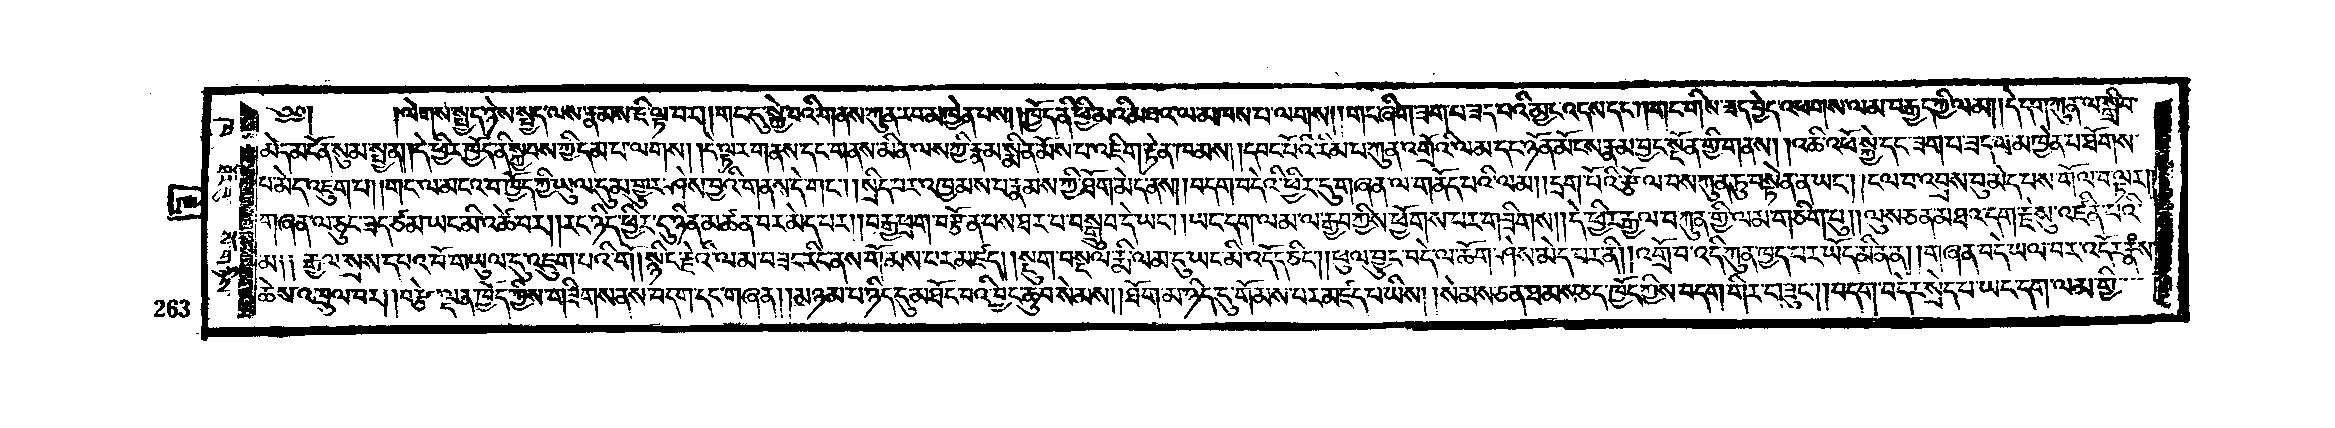༄༅། །ལེགས་སྤྱད་ཉེས་སྤྱད་ལས་རྣམས་ཇི་ལྟ་བར། །གང་དུ་སྐྱེ་བའི་གནས་ཀུན་རབ་མཁྱེན་པས། །ཁྱོད་ནི་ཕྱི་མའི་མཐའ་ལ་མཁས་པ་ལགས། །གང་ཞིག་ཟག་པ་ཟད་པའི་མྱང་འདས་དང་། །གང་གིས་ཟད་བྱེད་འཕགས་ལམ་བརྒྱད་ཀྱི་ལམ། །དེ་དག་ཀུན་ལ་སྒྲིབ་
མེད་མངོན་སུམ་སྤྱན། །དེ་ཕྱིར་ཁྱོད་ནི་སྐྱབས་ཀྱི་དམ་པ་ལགས། །དེ་ལྟར་གནས་དང་གནས་མིན་ལས་ཀྱི་རྣམ་སྨིན་མོས་པ་འཇིག་རྟེན་ཁམས། །དབང་པོའི་རིམ་པ་ཀུན་འགྲོའི་ལམ་དང་ཉོན་མོངས་རྣམ་བྱང་སྔོན་གྱི་གནས། །འཆི་འཕོ་སྐྱེ་དང་ཟག་པ་ཟད་ལ་མཁྱེན་པ་ཐོགས་
པ་མེད་འཇུག་པ། །གང་ལ་མངའ་བ་ཁྱོད་ཀྱི་ཡུལ་དུ་མ་གྱུར་ཤེས་བྱའི་གནས་དེ་གང་། །སྲིད་པར་འཁྱམས་པ་རྣམས་ཀྱི་ཐོག་མེད་ནས། །བདག་བདེའི་ཕྱིར་དུ་གཞན་ལ་གནོད་པའི་ལམ། །དྲག་པོའི་རྩོལ་བས་ཀུན་ཏུ་བསྟེན་ན་ཡང་། །ངལ་བ་འབྲས་བུ་མེད་པས་གོལ་བ་ལྟར།།
གཞན་ལ་ཅུང་ཟད་ཙམ་ཡང་མི་འཚེ་བར། །རང་ཉིད་ཕྱིར་དུ་ཉིན་མཚན་བར་མེད་པར། །བརྒྱ་ཕྲག་བརྩོན་པས་ཐར་པ་བསྒྲུབ་དེ་ཡང་། །ཡང་དག་ལམ་ལ་རྒྱབ་ཀྱིས་ཕྱོགས་པར་གཟིགས། །དེ་ཕྱིར་རྒྱལ་བ་ཀུན་གྱི་ལམ་གཅིག་པུ། །ལུས་ཅན་མཐའ་དག་རྗེས་སུ་འཛིན་པའི་
མ༑ ༑རྒྱལ་སྲས་དཔའ་པོ་གཡུལ་དུ་འཇུག་པའི་གོ །སྙིང་རྗེའི་ལམ་བཟང་རིང་ནས་གོམས་པར་མཛད། །སྡུག་བསྔལ་རྨི་ལམ་དུ་ཡང་མི་འདོད་ཅིང་། །ཕུལ་བྱུང་བདེ་ལ་ཆོག་ཤེས་མེད་པར་ནི། །འགྲོ་བ་འདི་ཀུན་ཁྱད་པར་ཡོད་མིན་ན། །གཞན་བདེ་ཡལ་བར་འདོར་རྣམས་
ཆེས་འཁྲུལ་བར། །བརྩེ་ལྡན་ཁྱོད་ཀྱིས་གཟིགས་ནས་བདག་དང་གཞན། །མཉམ་པ་ཉིད་དུ་མཐོང་བའི་བྱང་ཆུབ་སེམས། །ཐོག་མ་ཉིད་དུ་གོམས་པར་མཛད་པ་ཡིས། །སེམས་ཅན་ཐམས་ཅད་ཁྱོད་ཀྱིས་བདག་གིར་གཟུང་། །བདག་བདེར་སྲེད་པ་ཡང་དག་ལམ་གྱི་